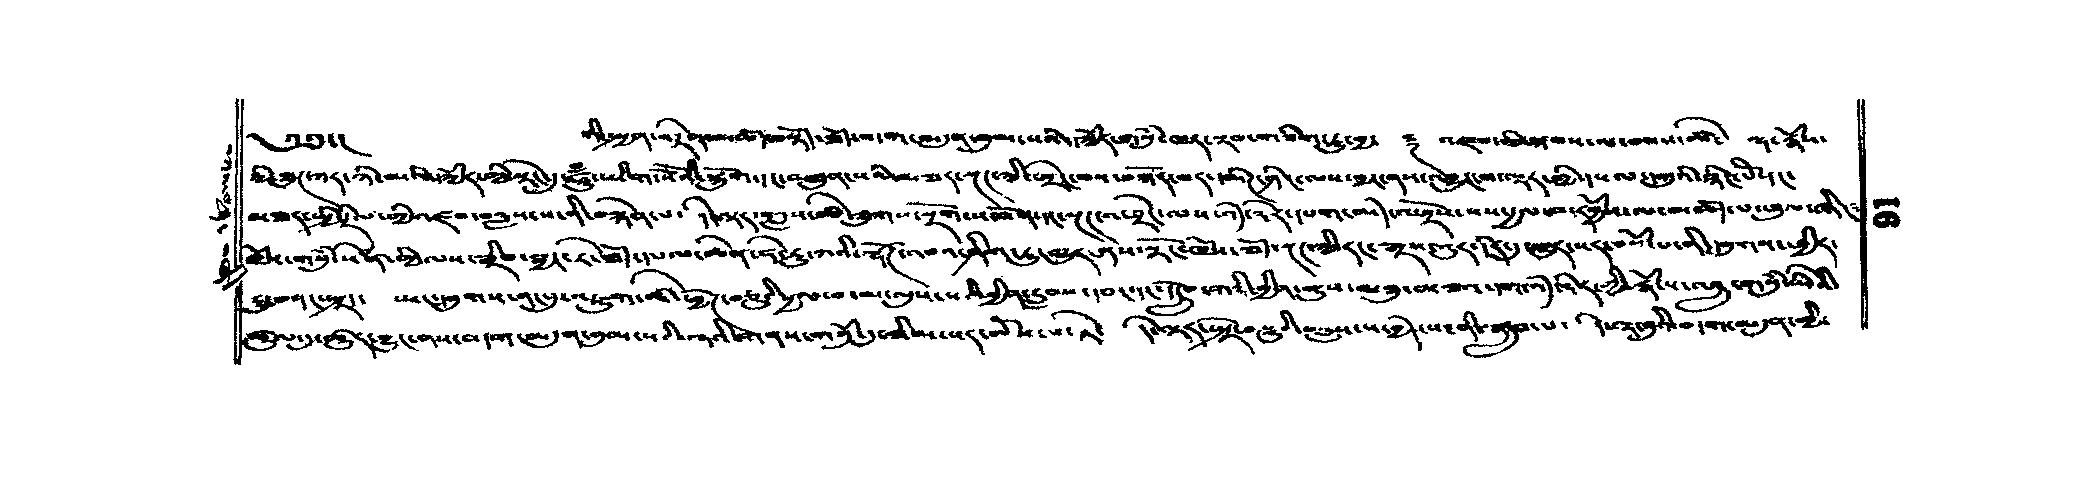གི་སྤྱན་འདྲེན་མཚད་བསྟོད་ཐམས་ཅད་བདག་མདུན་བུམ་པའི་དཀྱིལ་འཁོར་གསུམ་ཁར་སྟབ་གཅིག་ཏུ་བྱ། ༈ འཛབ་ཀྱི་སྐབས་ལ་་་་་ཙེ། ལྷ་རྣམས་
ཀྱི་ཐུགས་ཀར་ཉི་མའི་དཀྱིལ་འཁོར་ཀྱི་སྟེང་དུ་ཧཱུྃ་ཡིག་སོ་སོའི་སྐུ་མདོག་དང་མཐུན་པའི་སྔགས་ཀྱི་ཕྲེང་བས་བསྐོར་བར་དམིགས་ཤིང་ལས་བྱང་ནས་འབྱུང་བ་ལྟར་གྱི་དཔལ་དགུའི་སྙིང་པོ་དང་། 
མཐར་སྤྱི་དྲིལ་གྱི་འཛབ་བཟླས་པ་ནི་བསྙེན་པ། དེ་ལྟར་བཟླས་ཚེ་ཐུགས་སྲོག་ས་བོན་དང་སྔགས་འཕྲེང་ལས་འོད་ཟེར་དཔག་མེད་འཕྲོས་པས་རྒྱལ་བ་རབ་འབྱམས་ལ་མཆོད་པ་ཕུལ་ཞིང་།
ཁམས་གསུམ་སེམས་ཅན་གྱི་ལས་སྒྲིབ་སྦྱང་སྟེ་ཐམས་ཅད་དཔལ་ཆེན་ཧེ་རུ་ཀའི་ལྷ་ཚོགས་འབའ་ཞིག་ཏུ་གྱུར་ནནས་སྟོང་ཁམས་ཐམས་ཅད་སྔགས་ཀྱི་རང་སྒྲས་འུར་དེར་དུ་འགྱུར་པར་བསམ་པ་ནི་དབུགས་ཕྱིར་
རྒྱུ་བཀང་སྤྲད། ཡང་དབུགས་ནང་དུ་འཇུག་ཚེ་ཕྱོགས་བཅུའི་རྒྱལ་བ་མ་ལུས་པའི་བྱིན་རླབས་དབང་དང་དངོས་གྲུབ་གཟི་བྱིན་ནུས་མཐུ་མཐའ་དག་འོད་ཟེར་གྱི་རྣམ་པ་འབྲུ་གསུམ་ཡི་གེའི་
ཚུལ་དུ་ཚུར་བྱུང་ནས་བདག་མདུན་བུམ་པའི་ལྷའི་གནས་གསུམ་དུ་ཐིམ་པར་མོས་པ་སྟེ། དེ་ལྟར་སྤྲོ་བསྡུའི་བཟླས་པ་བྱེད་པ་ནི་སྒྲུབ་པ། དེ་ལྟ་བུའི་བདག་མདུན་གྱི་